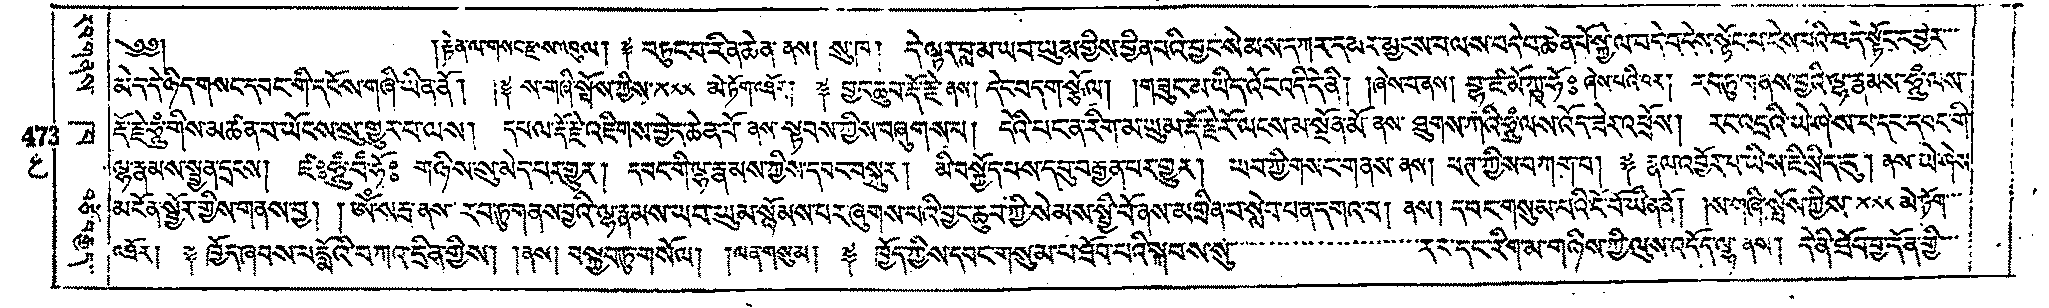༄༅། །རྟེན་ལ་གསང་རྫས་འབུལ། འ་བཏུང་བ་རིན་ཆེན་ནས།  སུ་ཁ། དེ་ལྟར་བླ་མ་ཡབ་ཡུམ་གྱིས་བྱིན་པའི་བྱང་སེམས་དཀར་དམར་མྱངས་པ་ལས་བདེ་བ་ཆེན་པོ་སྐྱེ་ལ་བདེ་བ་དེས་སྟོང་པ་ངེས་པའི་བདེ་སྟོང་དབྱེར་
མེད་དེ་ཉིད་གསང་དབང་གི་དངོས་གཞི་ཡིན་ནོ། ། འ་ས་གཞི་སྤོས་ཀྱིས་྾་྾་྾་མེ་ཏོག་འཐོར།  འ་བྱང་ཆུབ་རྡོ་རྗེ་ནས།  དེང་བདག་སྩོལ། །གཟུང་མ་ཡིད་འོང་འདི་དེ་ནི། །ཞེས་པ་ནས།  བྷ་ཛ་མོ་ཀྵ་ཧོཿ ཞེས་པའི་བར།  རབ་ཏུ་གནས་བྱའི་ལྷ་རྣམས་ཧཱུཾ་ལས་
རྡོ་རྗེ་ཧཱུཾ་གིས་མཚན་པ་ཡོངས་སུ་གྱུར་པ་ལས། དཔལ་རྡོ་རྗེ་འཇིགས་བྱེད་ཆེན་པོ་ནས་སྟབས་ཀྱིས་བཞུགས་པ། དེའི་པང་ན་རིག་མ་ཡུམ་རྡོ་རྗེ་རོ་ལངས་མ་སྔོན་མོ་ནས་ཐུགས་ཀའི་ཧཱུཾ་ལས་འོད་ཟེར་འཕྲོས། རང་འདྲའི་ཡེ་ཤེས་པ་དང་དབང་གི་
ལྷ་རྣམས་སྤྱན་དྲངས། ཛཿཧཱུཾ་བཾ་ཧོཿ གཉིས་སུ་མེད་པར་གྱུར། དབང་གི་ལྷ་རྣམས་ཀྱིས་དབང་བསྐུར། མི་བསྐྱོད་པས་དབུ་བརྒྱན་པར་གྱུར། ཡབ་ཀྱི་གསང་གནས་ནས།  ཕཊ་གྱིས་བཀག་པ། འ་རྣལ་འབྱོར་པ་ཡིས་ཇི་སྲིད་དུ། ནས་ཡེ་ཤེས་
མངོན་སྦྱོར་གྱིས་གནས་བྱ། །ཨོཾ་སརྦ་ནས་རབ་ཏུ་གནས་བྱའི་ལྷ་རྣམས་ཡབ་ཡུམ་སྙོམས་པར་ཞུགས་པའི་བྱང་ཆུབ་ཀྱི་སེམས་སྤྱི་བོ་ནས་མགྲིན་པ་སླེབ་པ་ན་དགའ་བ། ནས།  དབང་གསུམ་པའི་ངོ་བོ་ཡིན་ནོ། །ས་གཞི་སྤོས་ཀྱིས་྾་྾་྾་མེ་ཏོག་
འཐོར། འ་ཁྱོད་ཞབས་པདམོའི་བཀའ་དྲིན་གྱིས། །ནས།  བསྐྱབ་ཏུ་གསོལ། །ལན་གསུམ།  འ་ཁྱོད་ཀྱིས་དབང་གསུམ་པ་ཐོབ་པའི་སྐབས་སུ་་་རང་དང་རིག་མ་གཉིས་ཀྱི་ལུས་འདོད་ལྷ་ནས།  དེ་ནི་ཐོབ་བྱ་དོན་གྱི་